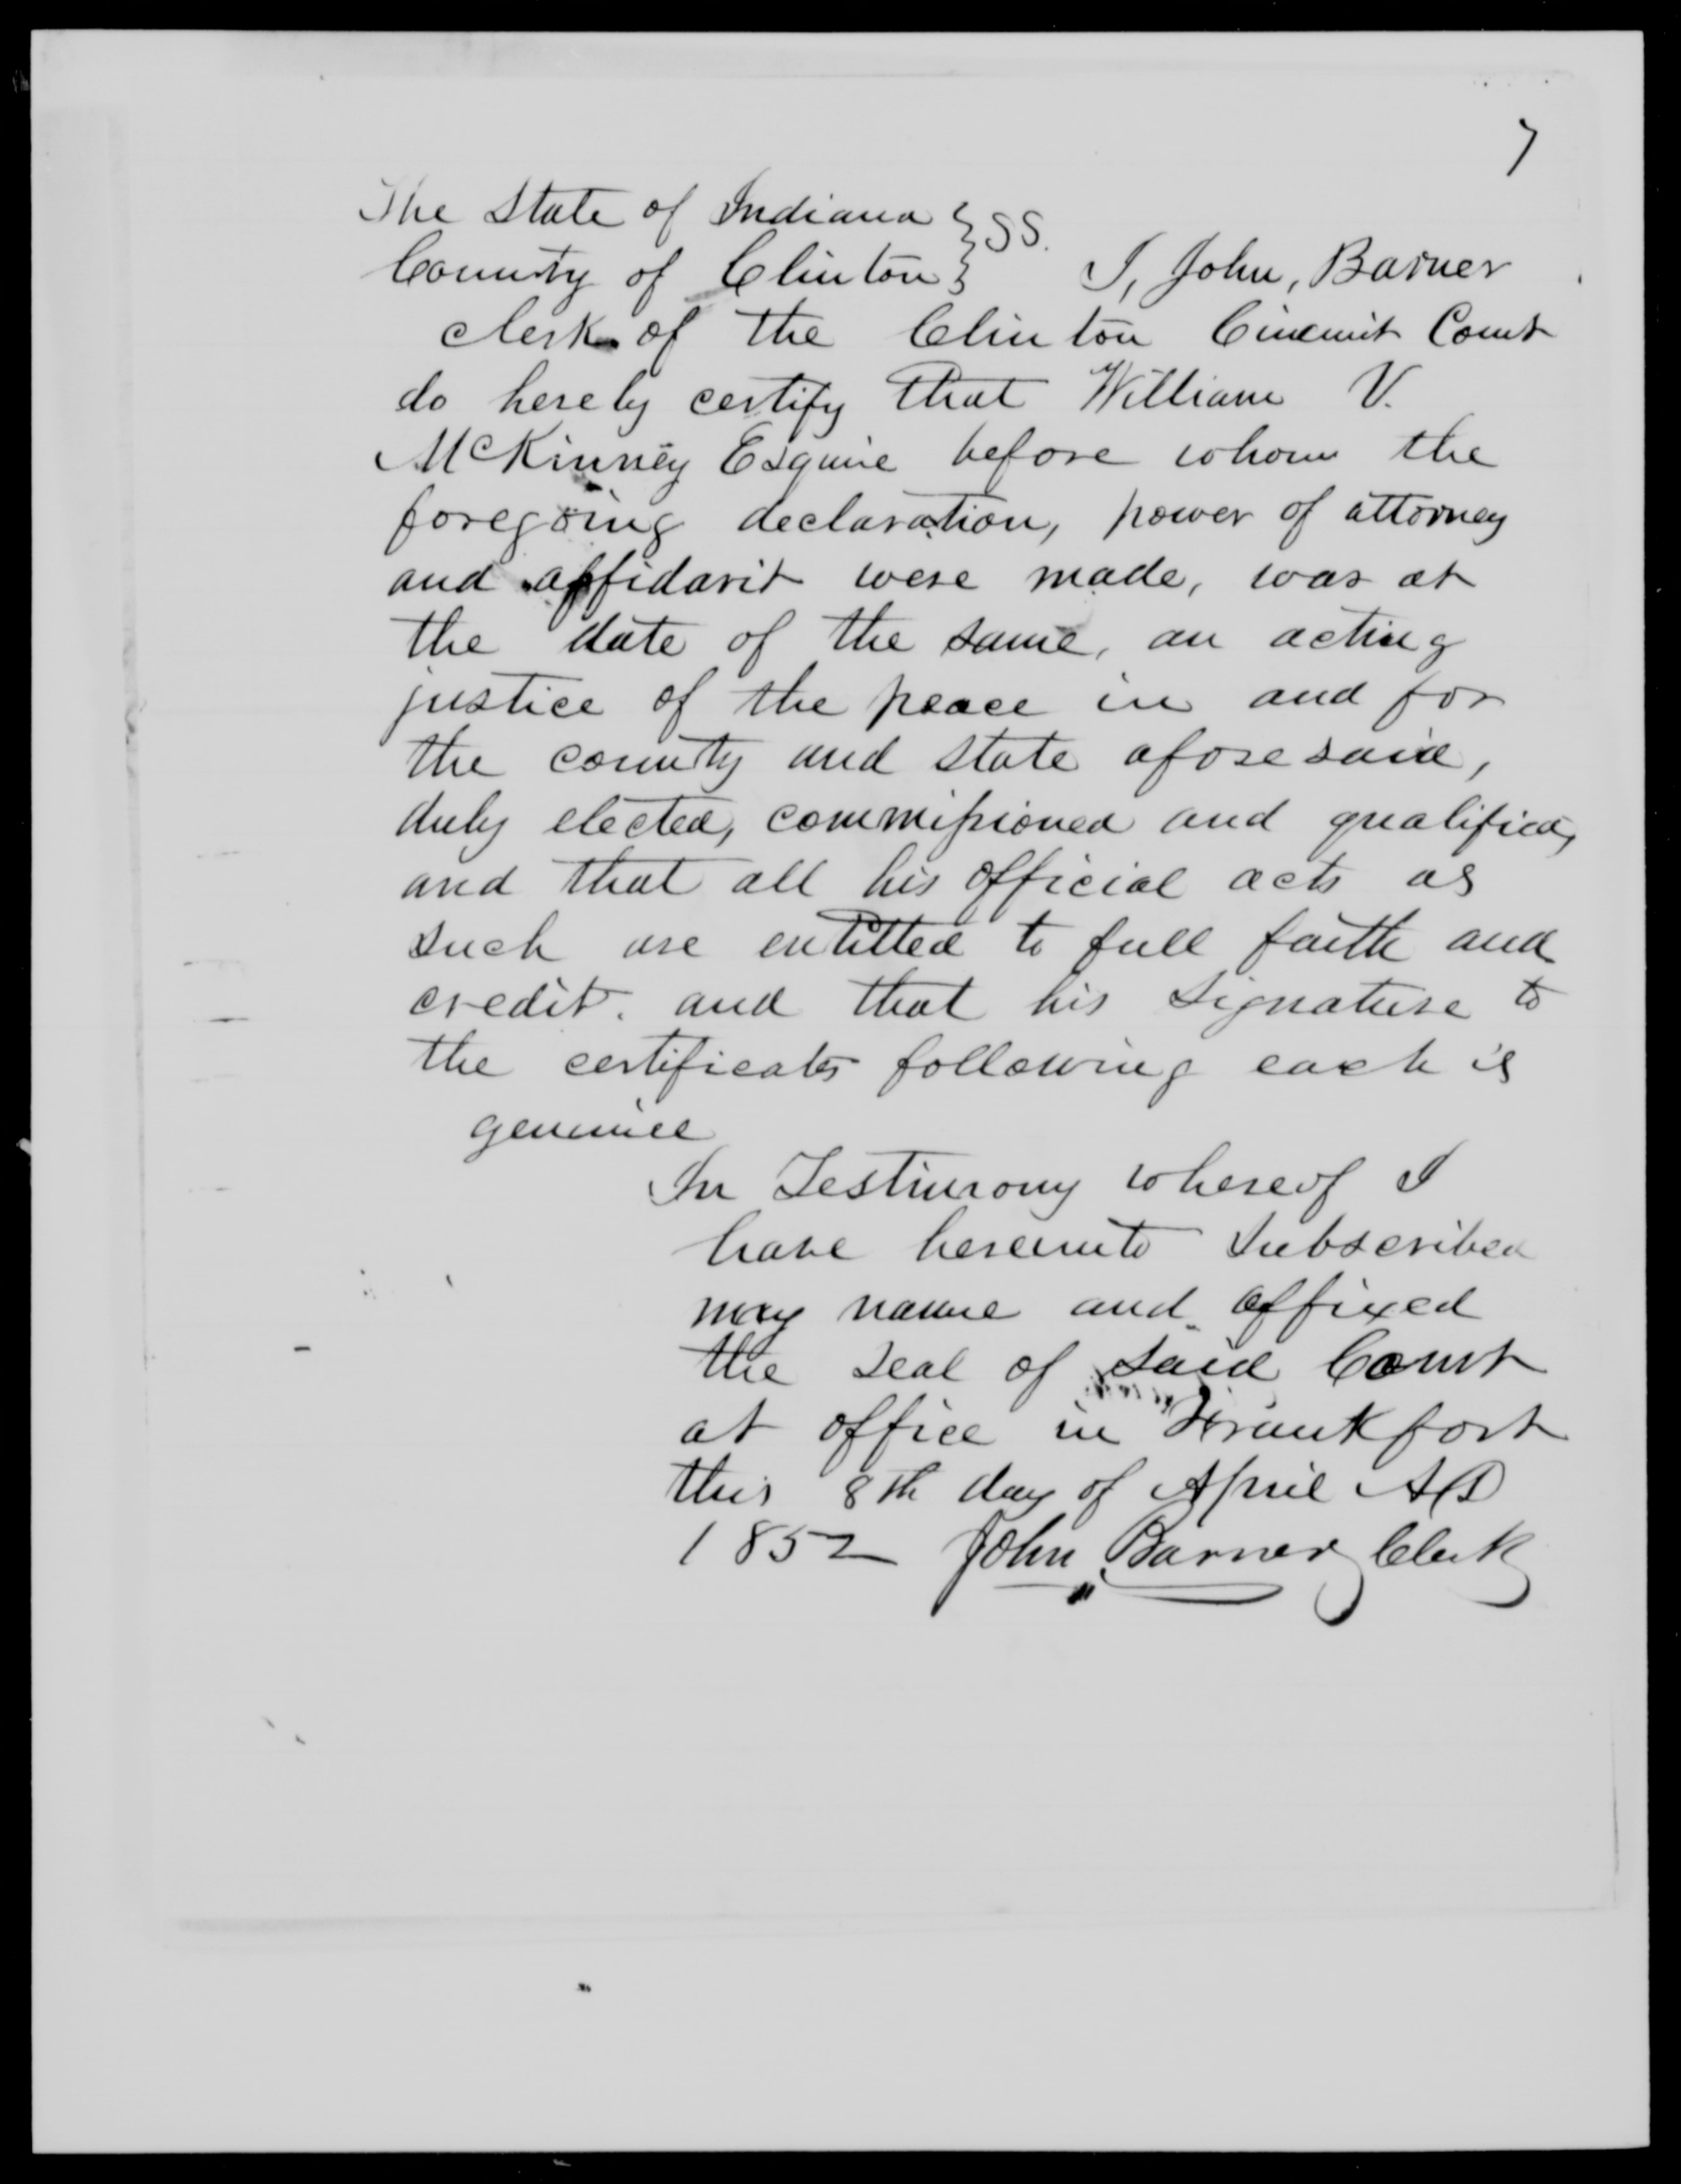7
The State of Indiana County of Clinton SS
I, John, Barner Clerk of the Clinton Circuit Court
do hereby certify that William V.
McKinney Esquire before whom the
foregoing declaration, power of attorney
and affidavit were made, was at
the date of the same, an acting
justice of the peace in and for
the County and State aforesaid,
duly elected, commissioned and qualified,
and that all his official acts as
such are entitled to full faith and
credit, and that his signature to
the certificates following each is
genuine.
In Testimony whereof I have hereunto subscribed
my name and affixed the seal of said Court
at office in Frankfort this 8th day of April AD
1852 John Barner Clerk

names: William V Mc Kinney, John Barner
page: 87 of 123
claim: rejected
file: R. 11,949, Matthias Young, Md.